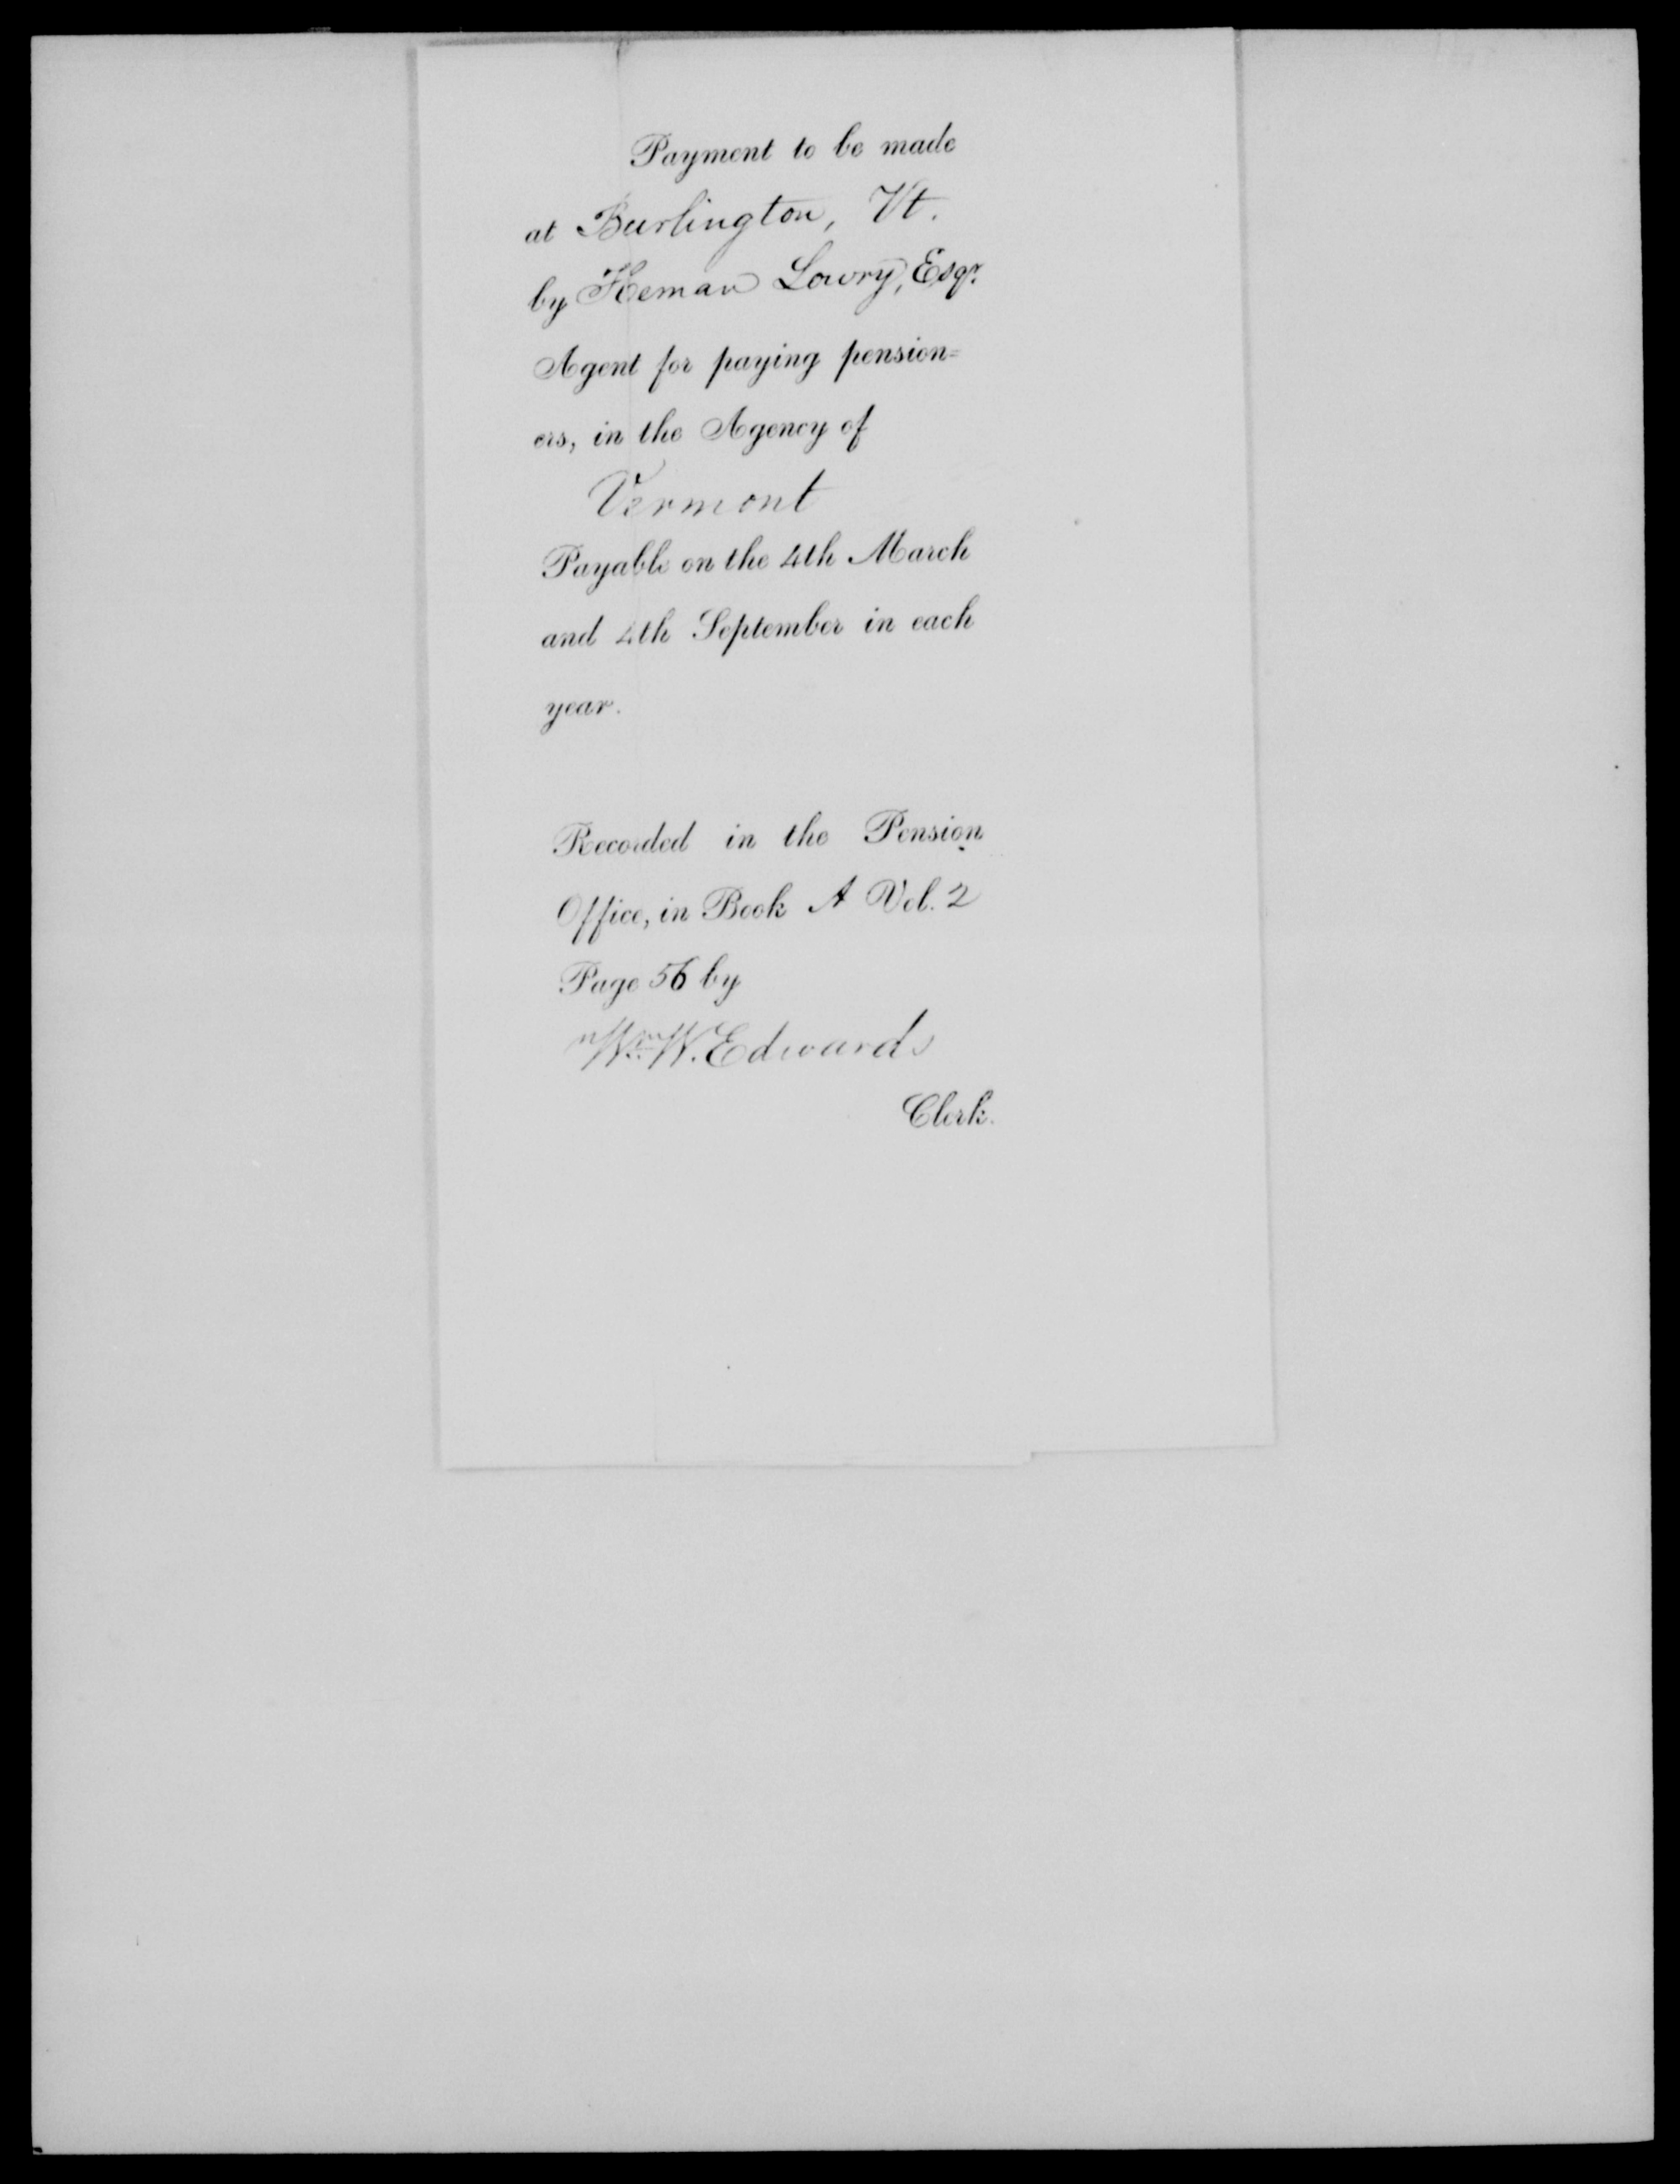Payment to be made
at Burlington, Vt.
by Heman Lowry, Esqr
Agent for paying pensioners,
in the Agency of
Vermont
Payable on the 4th March
and 4th September in each
year.
Recorded in the Pension
Office, in Book A Vol. 2
Page 56 by
Wm W. Edwards
Clerk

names: Heman Lowry; Wm W Edwards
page: 33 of 46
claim: widow's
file: W. 24976, for Daniel Skinner, New Hampshire